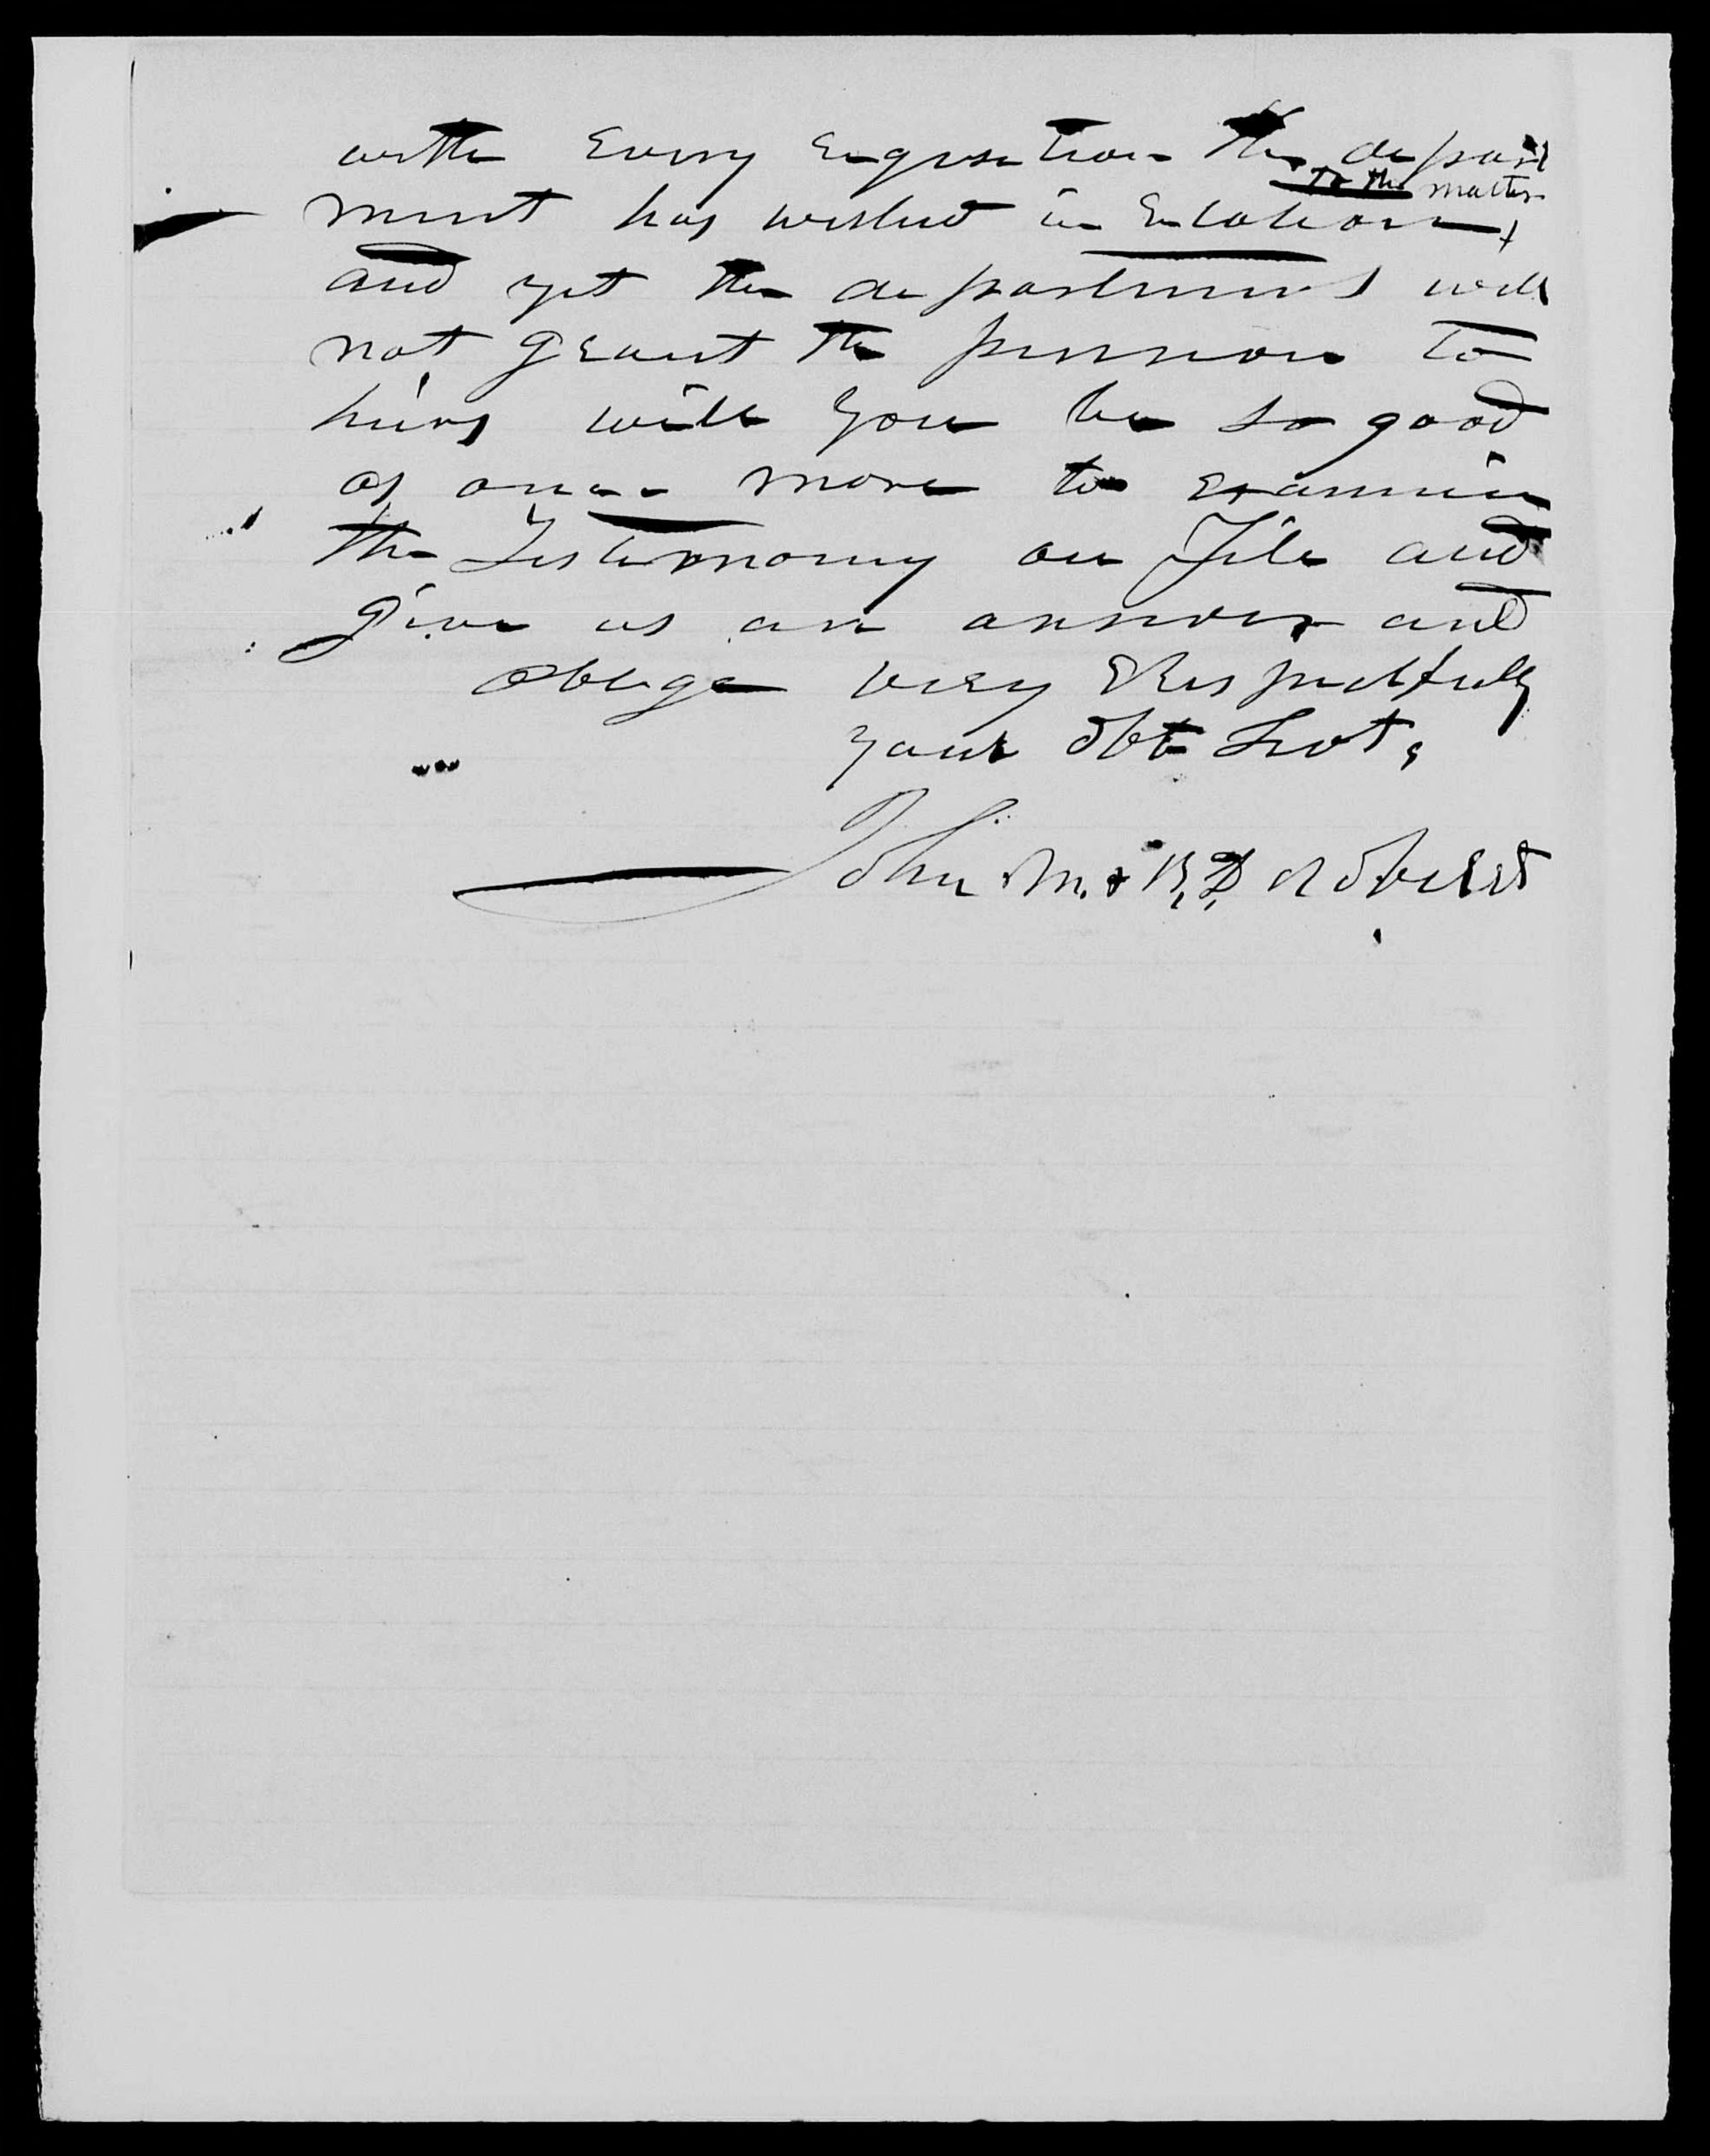with  every [illegible] the depart
ment has wished [illegible], to the matter 
and yet the department will
not grant the pension to
heirs will you be so good
as once more to examine
the Testimony on file and
give us an answer and
oblige 
Very Respectfully
your obt Srvt
John M. & B. D. Roberts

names: John M Roberts, B D Roberts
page: 27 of 48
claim: rejected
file: R. 2173, James P Collins, S. C.